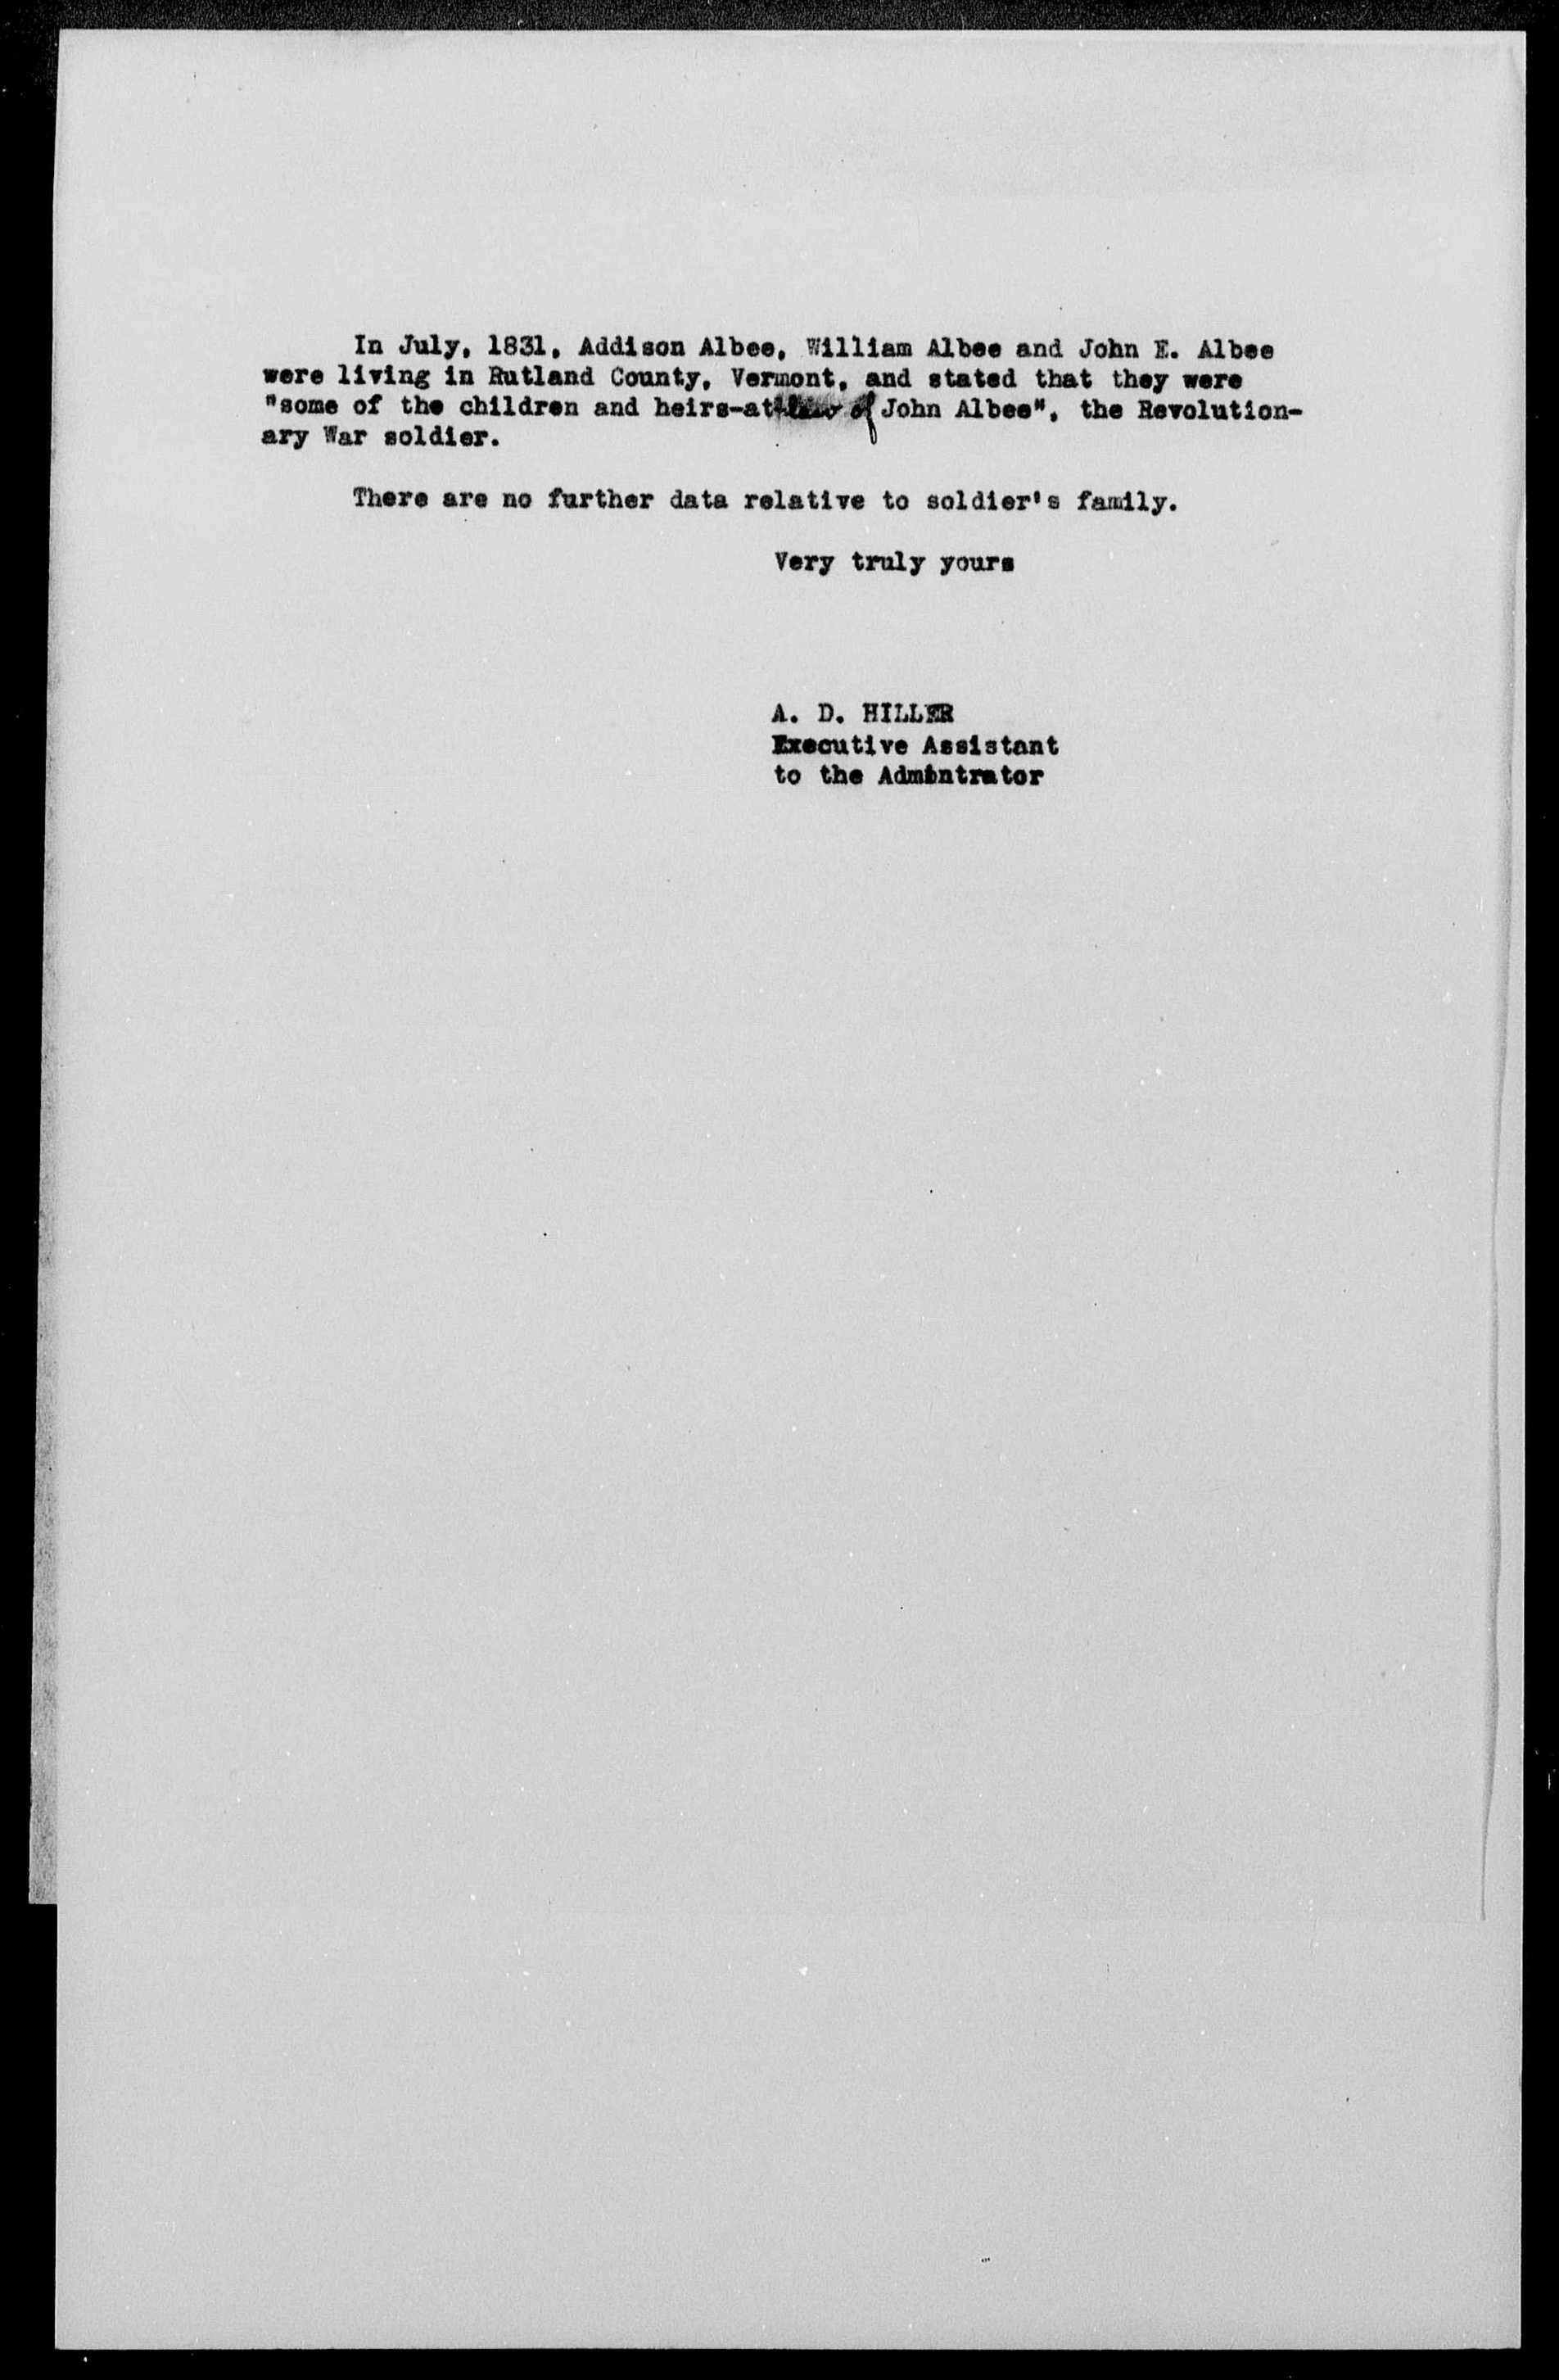In July, 1831, Addison Albee, William Albee, and John E. Albee, were living in Rutland County, Vermont, and stated that they were "some of the children and heirs-at law of John Albee", the Revolutionary War soldier.

There are no further data relative to soldier's family.

Very truly yours,

A.D. Hiller
Executive Assistant
to the Administrator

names: John E Albee, William Albee, A D Hiller, Addison Albee, John Albee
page: 13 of 29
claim: survivor's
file: S 41404, Eleazer John Albee, Mass. Privateer